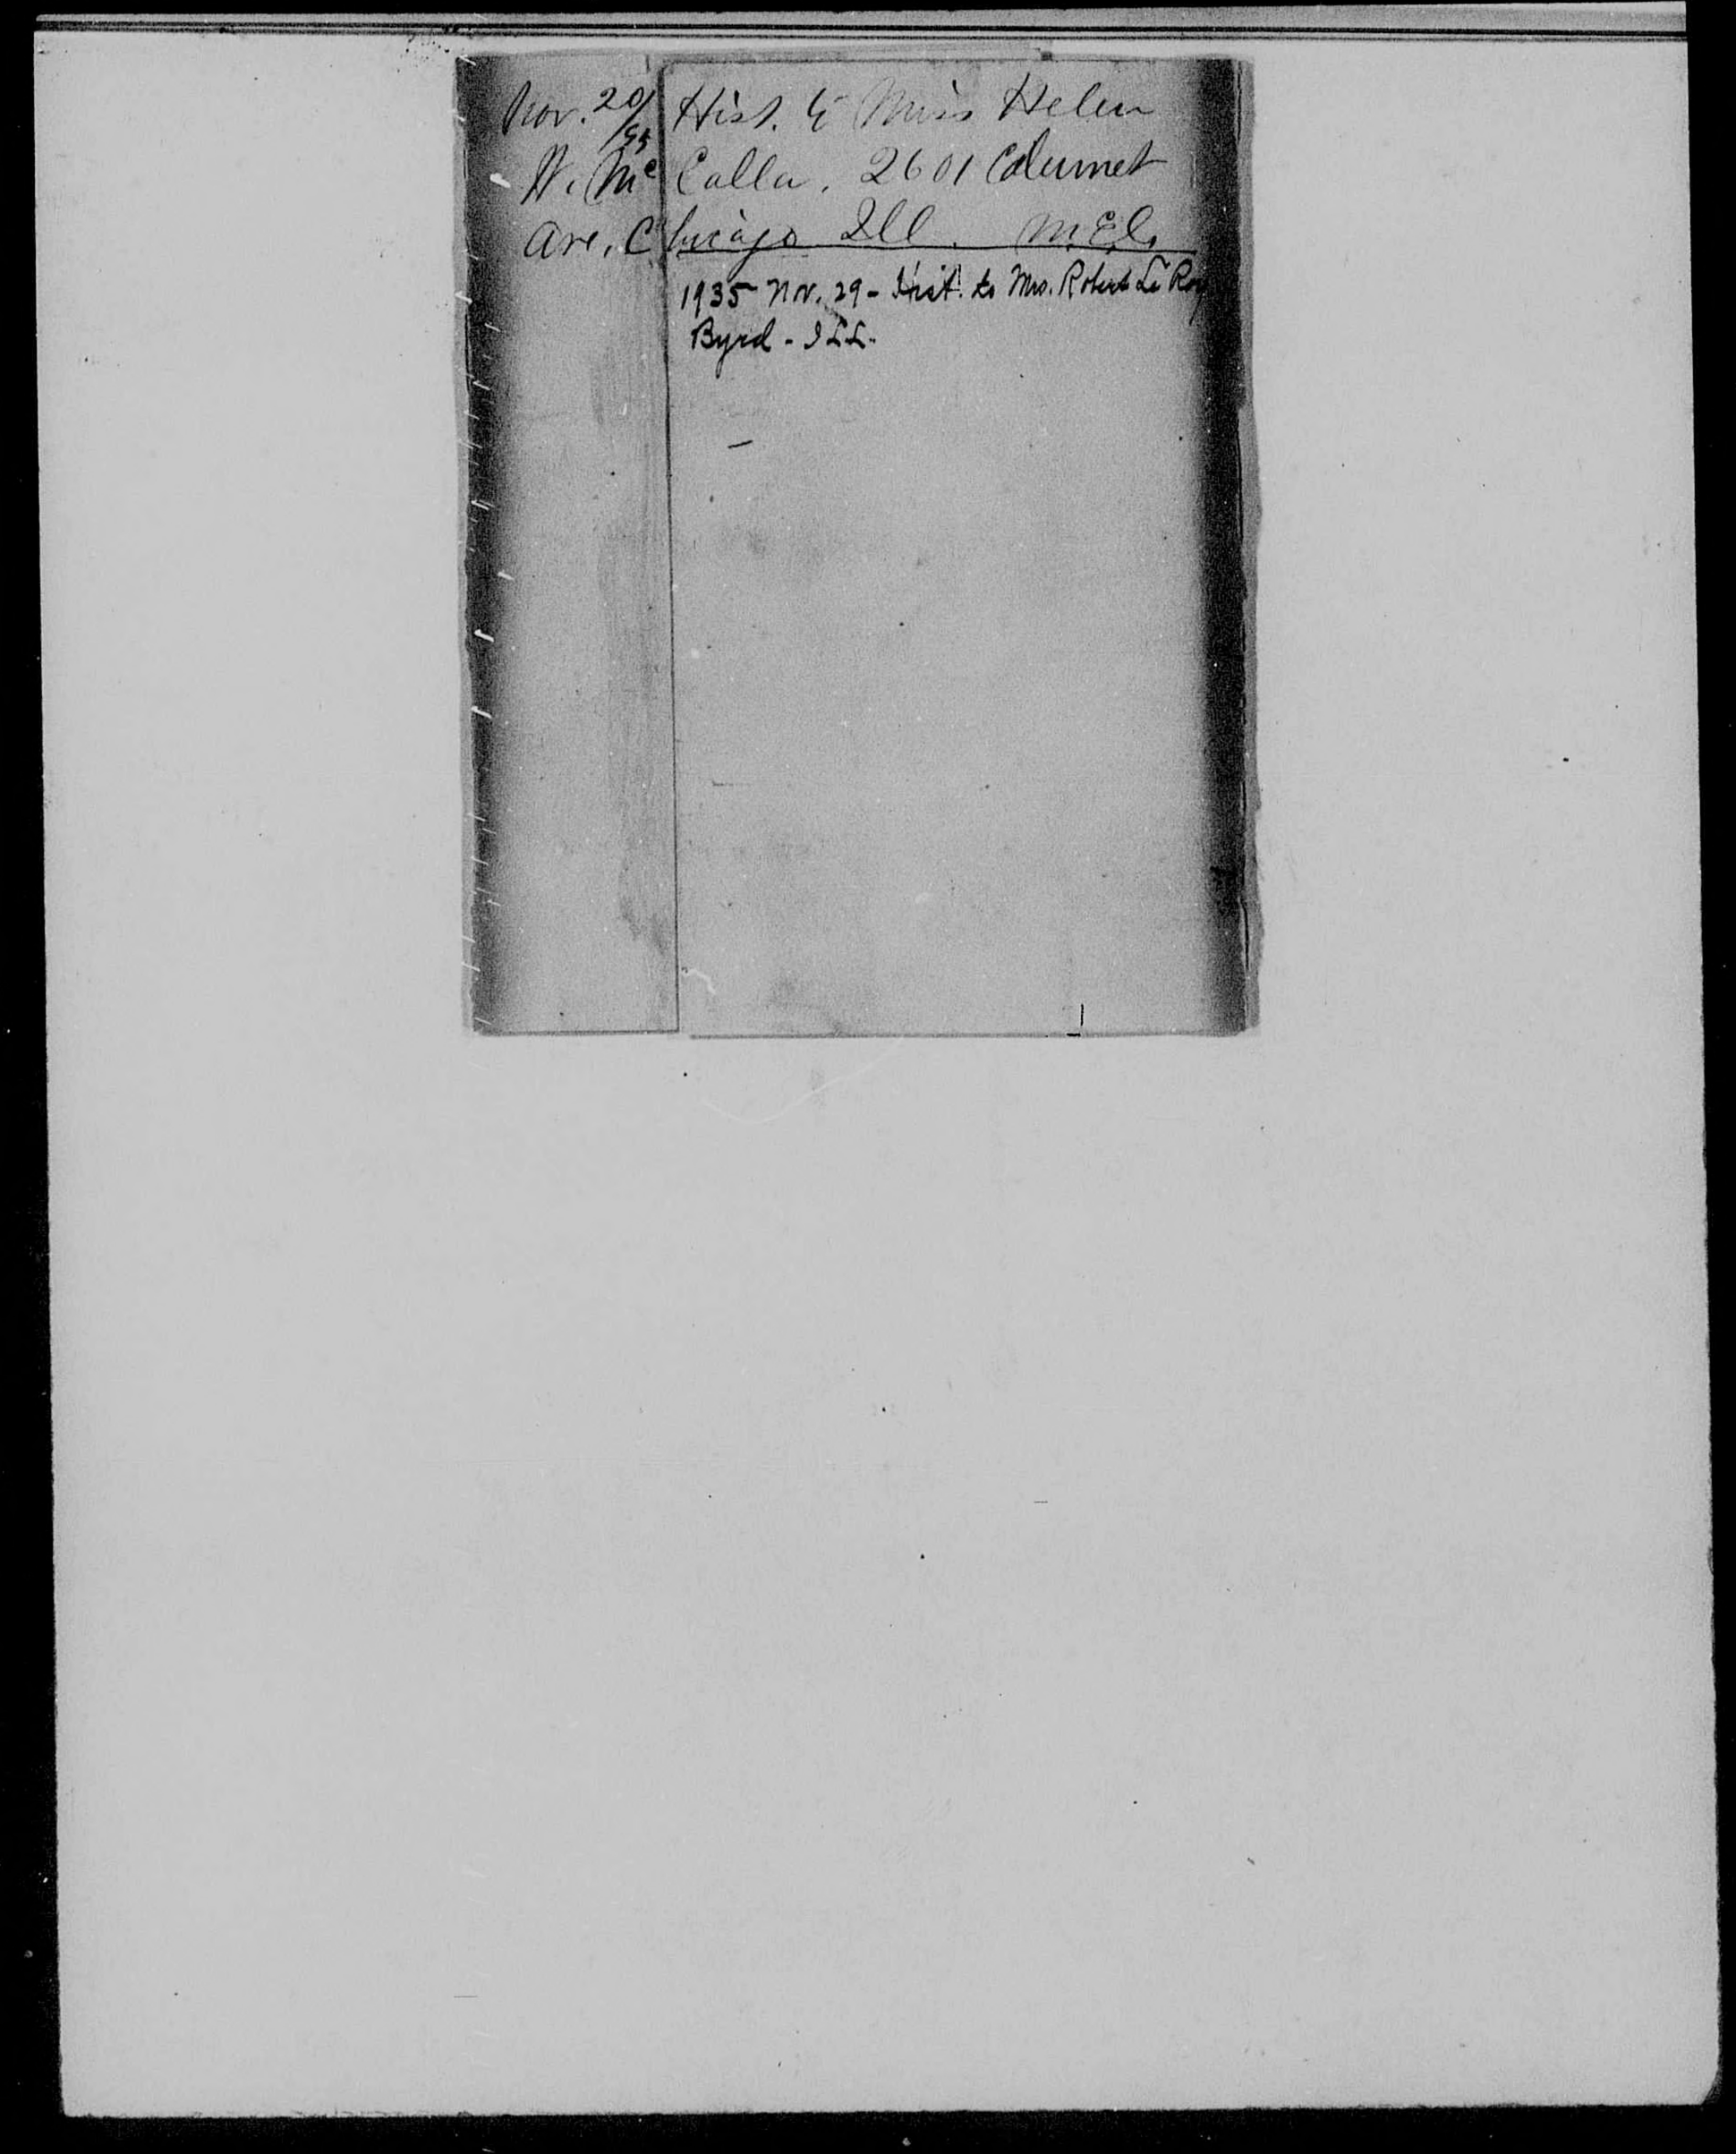Nov. 20/95 Hist. E Miss Helen 
W. McCalla, 2601 Calumet 
Ave. Chicago Ill. M El.
1935 N. N. 29-Hist. to Mrs. Robert LeRoy
Byrd-ILL.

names: Robert Le Roy Byrd, Helen W Mc Calla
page: 57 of 92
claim: widow's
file: W 1173, Robert Hamill, Penn.